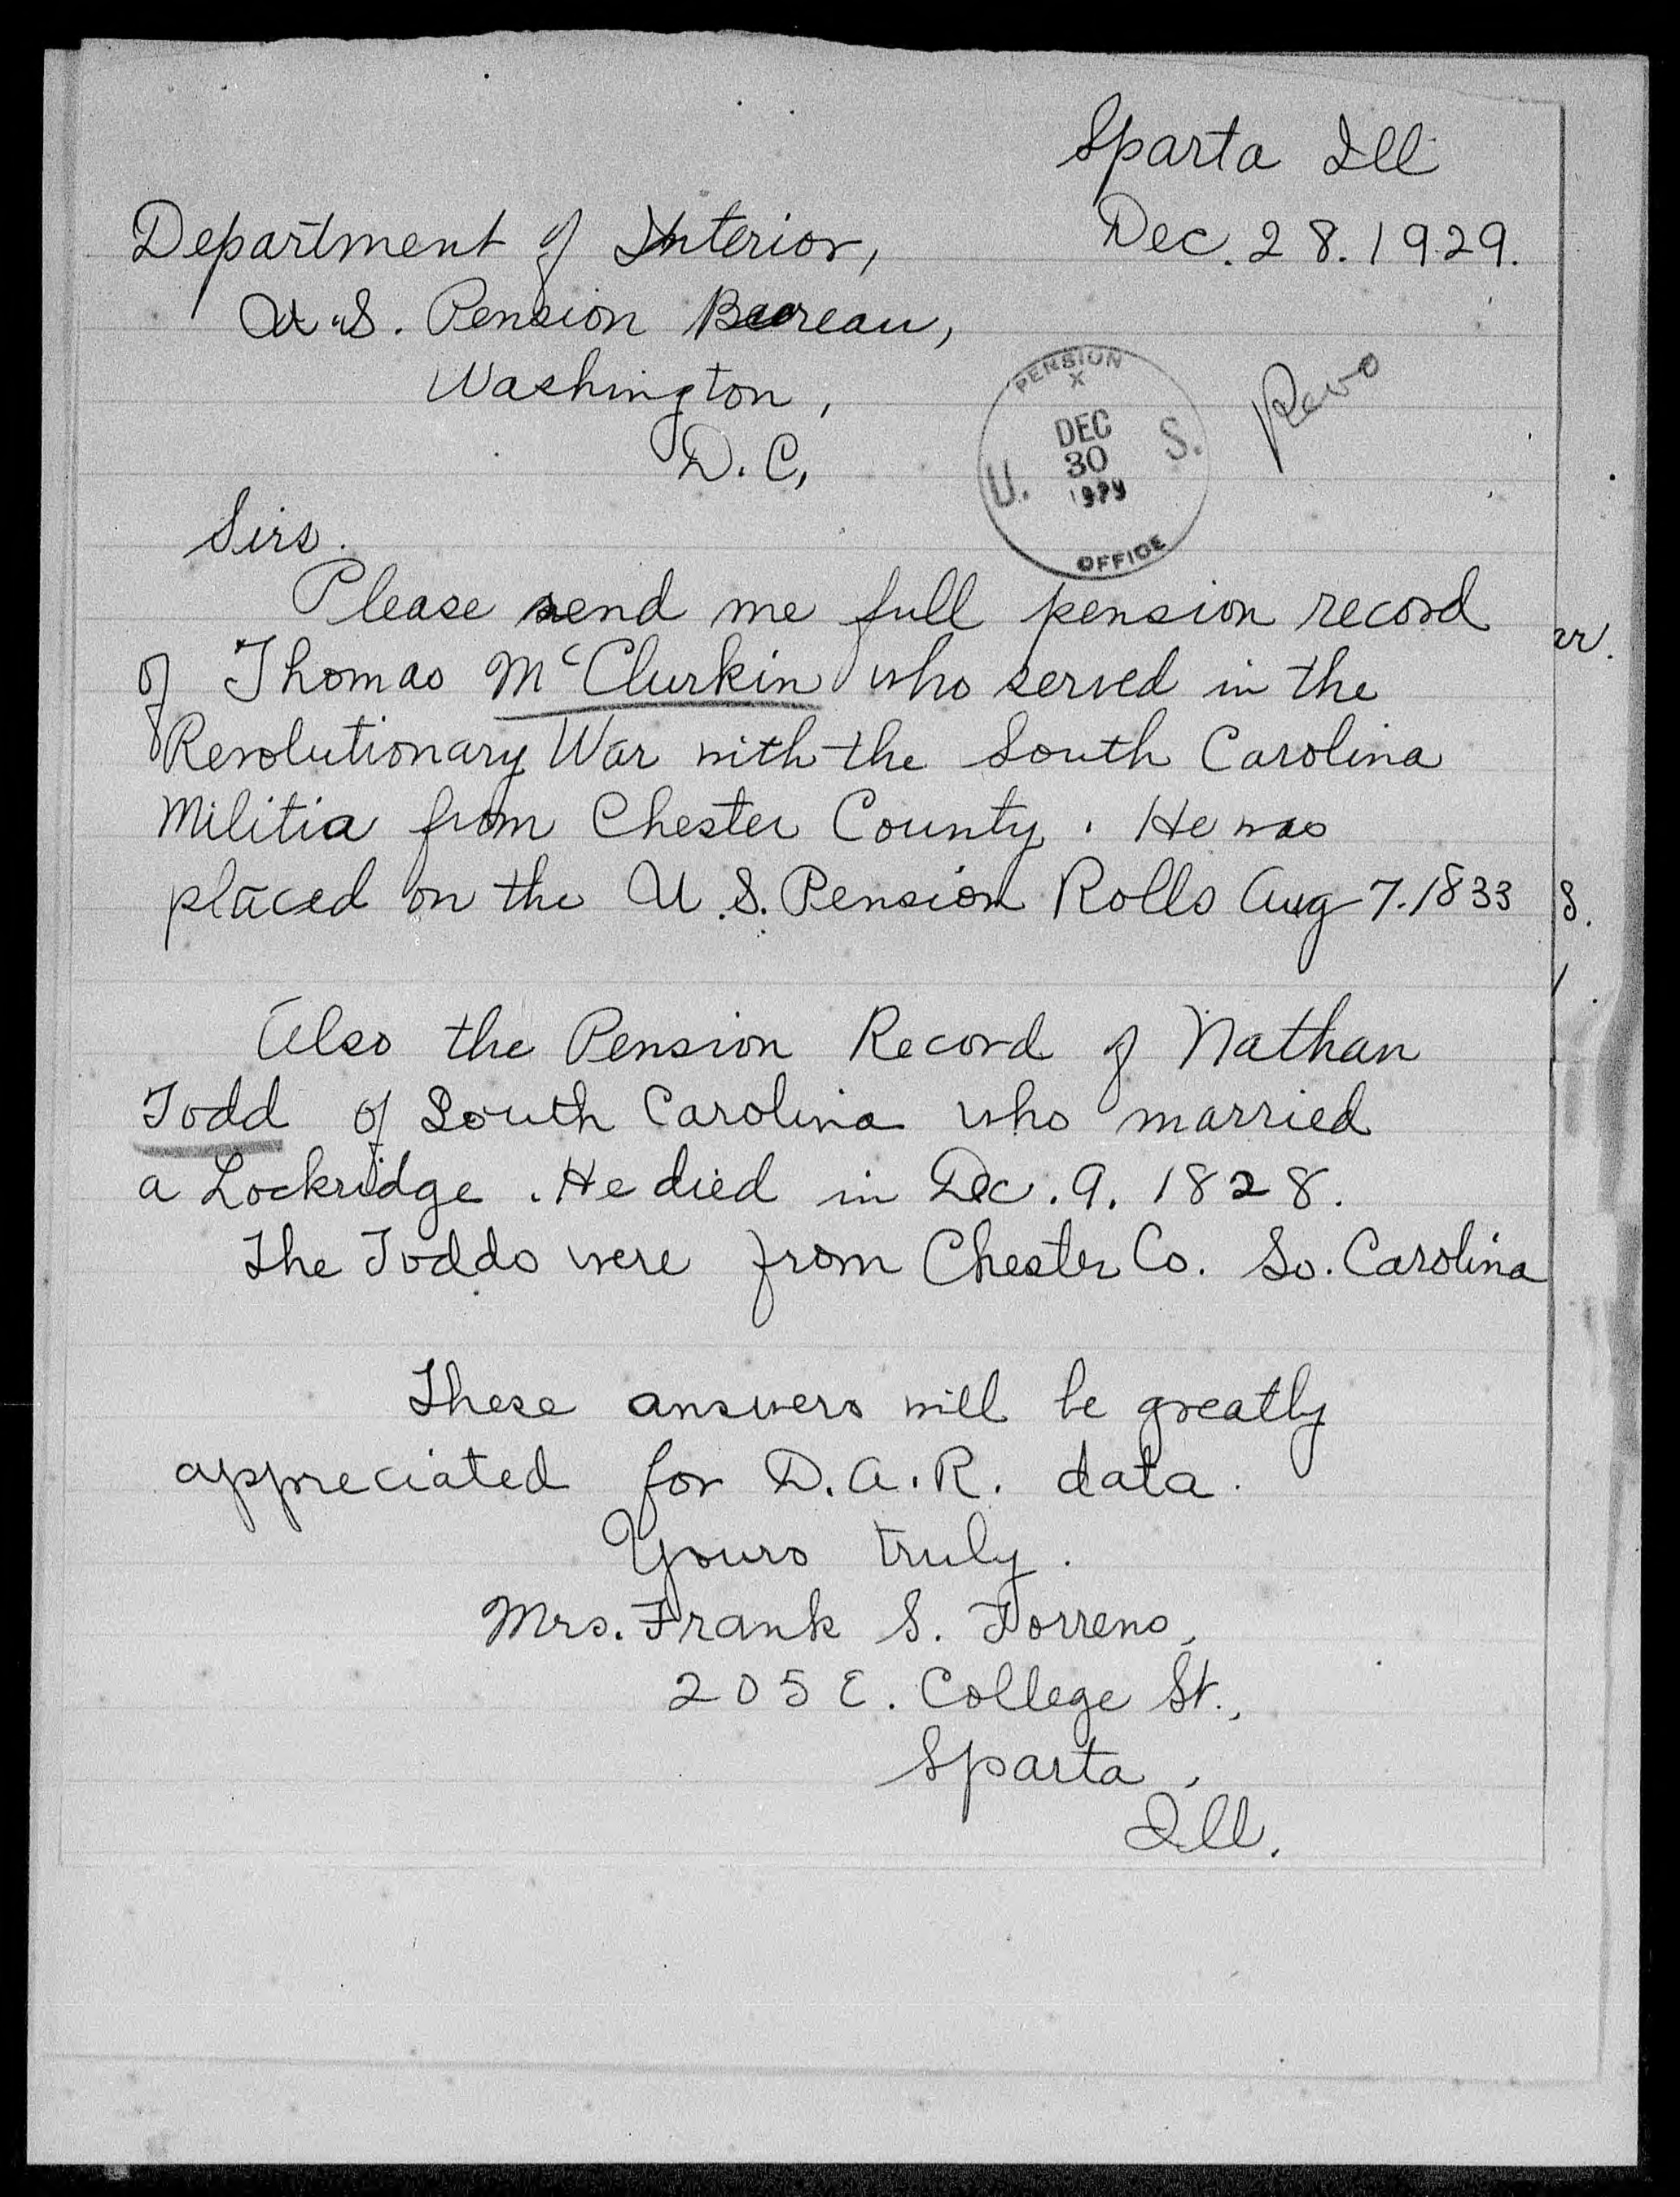Sparta Ill
Department of Interior, 
 Ot.S. Pension Bureau, 
Washington, 
D.C.  

 Dec. 28. 1929. 

Sirs.
Please send me full pension record 
of Thomas McClurkin who served in the Revolutionary War with the South Carolina Militia from Chester County. He was 
placed on the U.S. Pension Rolls Aug 7.1833 

Also the Pension Record of Nathan 
Todd of South Carolina who married a Lockridge. He died in Dec. 9. 1828. 

The Todds were from Chester Co. So. Carolina 

These answers will be greatly 
appreciated for D.A.R. data. 

Yours truly
Mrs. Frank S. Torrens 
205 E. College St. 
Sparta, 
Ill.


[seal]
[US PENSION OFFICE DEC 30 1929]

Rev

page: 87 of 93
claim: widow's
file: W. 21792, for Thomas Mc Clurken, South Carolina